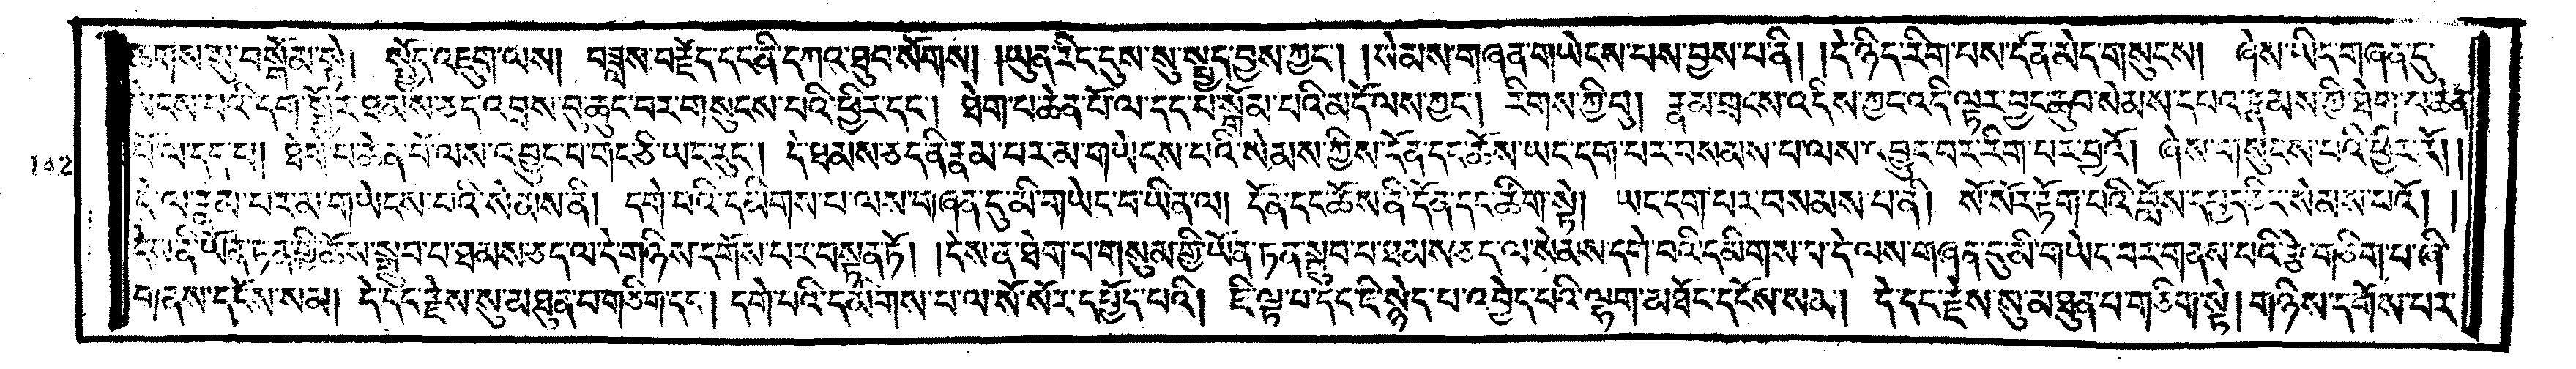ཆགས་སུ་བསྒོམ་སྟེ། སྤྱོད་འཇུག་ལས། བཟླས་བརྗོད་དང་ནི་དཀའ་ཐུབ་སོགས། །ཡུན་རིང་དུས་སུ་སྤྱད་བྱས་ཀྱང་། །སེམས་གཞན་གཡེངས་པས་བྱས་པ་ནི། །དེ་ཉིད་རིག་པས་དོན་མེད་གསུངས། ཞེས་ཡིད་གཞན་དུ་
ཡེངས་པའི་དག་སྦྱོར་ཐམས་ཅད་འབྲས་བུ་ཆུང་བར་གསུངས་པའི་ཕྱིར་དང་། ཐེག་པ་ཆེན་པོ་ལ་དད་པ་སྒོམ་པའི་མདོ་ལས་ཀྱང་། རིགས་ཀྱི་བུ། རྣམ་གྲངས་འདིས་ཀྱང་འདི་ལྟར་བྱང་ཆུབ་སེམས་དཔའ་རྣམས་ཀྱི་ཐེག་པ་ཆེན་
པོ་ལ་དད་པ། ཐེག་པ་ཆེན་པོ་ལས་འབྱུང་བ་གང་ཅི་ཡང་རུང་། དེ་ཐམས་ཅད་ནི་རྣམ་པར་མ་གཡེངས་པའི་སེམས་ཀྱིས་དོན་དང་ཆོས་ཡང་དག་པར་བསམས་པ་ལས་འབྱུང་བར་རིག་པར་བྱའོ། ཞེས་གསུངས་པའི་ཕྱིར་རོ། །
དེ་ལ་རྣམ་པར་མ་གཡེངས་པའི་སེམས་ནི། དགེ་བའི་དམིགས་པ་ལས་གཞན་དུ་མི་གཡེང་བ་ཡིན་ལ། དོན་དང་ཆོས་ནི་དོན་དང་ཚིག་སྟེ། ཡང་དག་པར་བསམས་པ་ནི། སོ་སོར་རྟོག་པའི་བློས་དཔྱད་ཅིང་སེམས་པའོ། །
དེས་ནི་ཡོན་ཏན་གྱི་ཆོས་སྒྲུབ་པ་ཐམས་ཅད་ལ་དེ་གཉིས་དགོས་པར་བསྟན་ཏོ། །དེས་ན་ཐེག་པ་གསུམ་གྱི་ཡོན་ཏན་སྒྲུབ་པ་ཐམས་ཅད་ལ་སེམས་དགེ་བའི་དམིགས་པ་དེ་ལས་གཞན་དུ་མི་གཡེང་བར་གནས་པའི་རྩེ་གཅིག་པ་ཞི་
གནས་དངོས་སམ། དེ་དང་རྗེས་སུ་མཐུན་པ་གཅིག་དང་། དགེ་པའི་དམིགས་པ་ལ་སོ་སོར་དཔྱོད་པའི། ཇི་ལྟ་པ་དང་ཇི་སྙེད་པ་འབྱེད་པའི་ལྷག་མཐོང་དངོས་སམ། དེ་དང་རྗེས་སུ་མཐུན་པ་གཅིག་སྟེ། གཉིས་དགོས་པར་